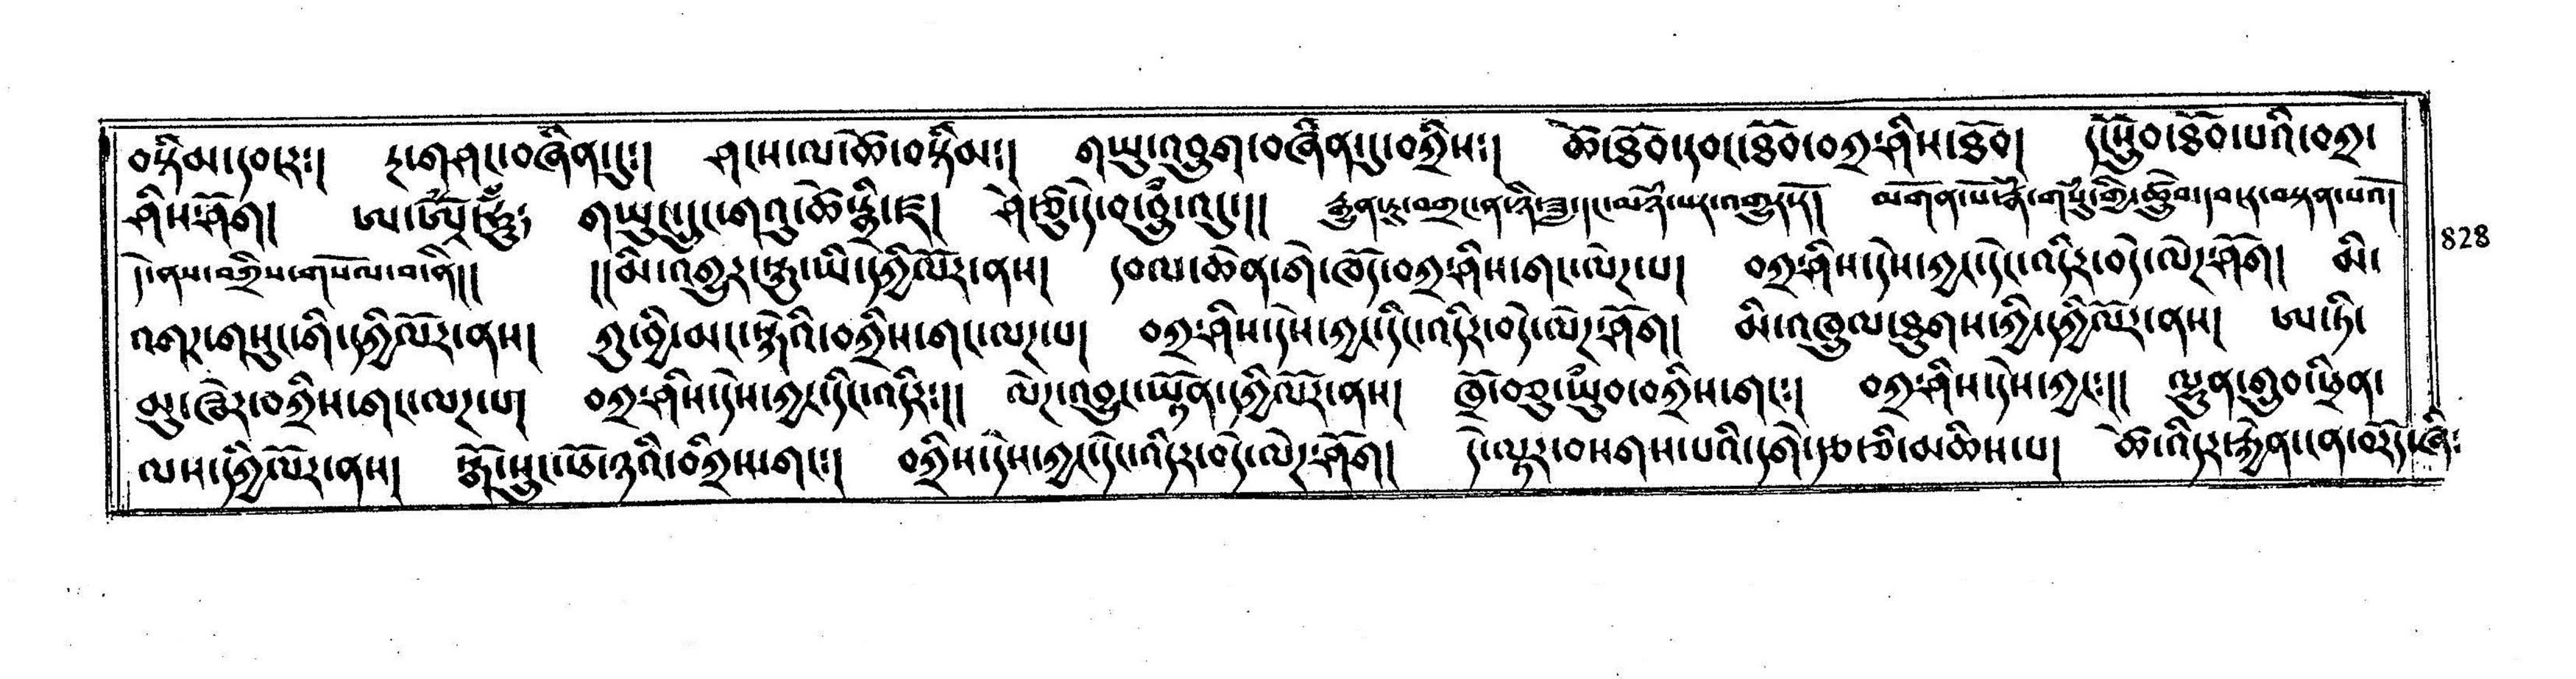བསྟིམ་དབང་བསྐུར༴། རྔ་གཤང་བཞིན་དུ༴། ཤངས་ལ་ཚེ་བསྟིམ༴། གཡུ་འབྲུག་བཞིན་དུ་བཀྲ་ཤིས༴། ཚེ་ཐོབ་དབང་ཐོབ་བཀྲ་ཤིས་ཐོབ། དངོས་གྲུབ་ཐོབ་པའི་བཀྲ་
ཤིས་ཤོག ཨ་ཨཱོཾ་ཧཱུྃ། གཡུང་དྲུང་གའུ་ཚེ་རྣྲི་ཛ། ཤེ་ཙུ་དེ་བ་བྲུཾ་འདུ།། རྒྱུན་ཏུ་བགྲང་ན་ཉི་ཟླ་དང་མཉམ་པར་འགྱུར་རོ། མགོན་པོ་རྣམ་གསུམ་གྱི་ཚེ་སྒྲུབ་དབང་བསྐུར་བསྟན་པའོ། 
དེ་ནས་བཀྲ་ཤིས་གསོལ་བ་ནི།། །།མི་འགྱུར་སྐུ་ཡི་དཀྱིལ་འཁོར་ནས། དབལ་ཆེན་གེ་ཁོད་བཀྲ་ཤིས་གང་ལེགས་པ། བཀྲ་ཤིས་དེས་ཀྱང་དེང་འདིར་བདེ་ལེགས་ཤོག མི་
འགགས་གསུང་གི་དཀྱིལ་འཁོར་ནས། ཀུ་བྱི་མང་སྐེའི་བཀྲ་ཤིས་གང་ལགས་པ། བཀྲ་ཤིས་དེས་ཀྱང་དིང་འདིར་བདེ་ལེགས་ཤོག མི་འཁྲུལ་ཐུགས་ཀྱི་དཀྱིལ་འཁོར་ནས། ཨ་ཏི་
མུ་ཝེར་བཀྲ་ཤིས་གང་ལགས་པ། བཀྲ་ཤིས་དེས་ཀྱང་དིང་འདིར༴།། ལེགས་འབྱུང་ཡོན་ཏན་དཀྱིལ་འཁོར་ནས། ཁྲོ་བཅུ་ཡབ་ཡུམ་བཀྲ་ཤིས་གང་༴། བཀྲ་ཤིས་དེས་ཀྱང་༴།། ལྷུན་གྲུབ་ཕྲིན་
ལས་དཀྱིལ་འཁོར་ནས། སྒོ་སྲུང་ཕོ་ཉའི་བཀྲ་ཤིས་གང་༴། བཀྲ་ཤིས་དེས་ཀྱང་དེང་འདིར་བདེ་ལེགས་ཤོག དེ་ལྟར་བསགས་པའི་དགེ་རྩ་ཅི་མཆིས་པ། ཚེ་འདིར་རྐྱེན་ངན་བར་ཆོད་ཞི་